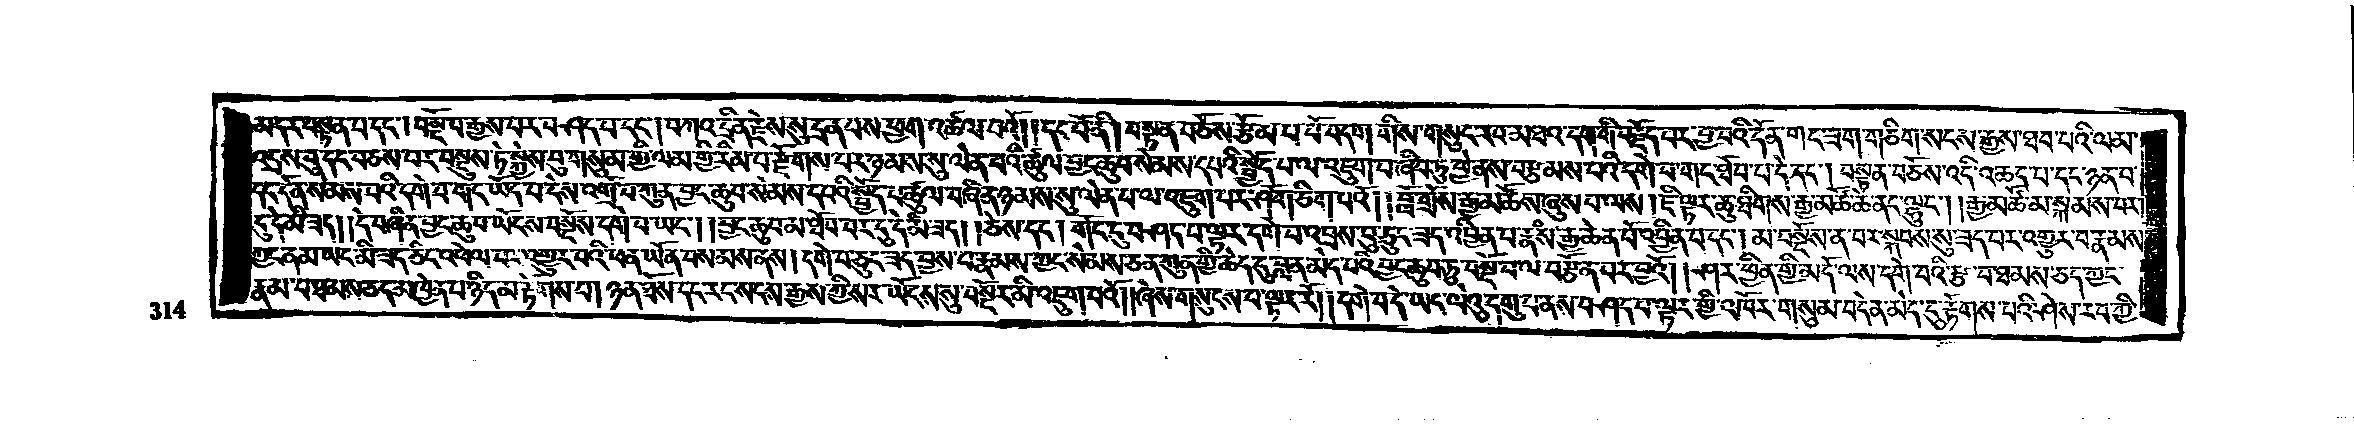མདར་བསྟན་པ་དང་། བསྔོ་བ་རྒྱས་པར་བཤད་པ་དང་། བཀའ་དྲིན་རྗེས་སུ་དྲན་པས་ཕྱག་འཚལ་བའོ། །དང་པོ་ནི། བསྟན་བཅོས་རྩོམ་པ་པོ་བདག་གིས་གསུང་རབ་མཐའ་དག་གི་བརྗོད་པར་བྱ་བ་འི་ད༠ཨོན་གང་ཟག་གཅིག་སངས་རྒྱས་ཐོབ་པའི་ལམ་
འབྲས་བུ་དང་བཅས་པར་བསྡུས་ཏེ་སྐྱེས་བུ་གསུམ་གྱི་ལམ་གྱི་རིམ་པ་རྫོགས་པར་ཉམས་སུ་ལེན་པའི་ཚུལ་བྱང་ཆུབ་སེམས་དཔའི་སྤྱོད་པ་ལ་འཇུག་པ་ཞིབ་ཏུ་ཕྱེ་ནས་བརྩམས་པའི་དགེ་བ་གང་ཐོབ་པ་དེ་དང་། བསྟན་བཅོས་འདི་འཆད་པ་དང་ཉན་པ་
དང་དོན་སེམས་པའི་དགེ་བ་གང་ཡོད་པ་ངེས་འགྲོ་བ་ཀུན་བྱང་ཆུབ་སེམས་དཔའི་སྤྱོད་པ་ཚུལ་བཞིན་ཉམས་སུ་ལེན་པ་ལ་འཇུག་པར་ཤོག་ཅིག་པའོ། །བློ་གྲོས་རྒྱ་མཚོས་ཞུས་པ་ལས། ཇི་ལྟར་ཆུ་ཐིགས་རྒྱ་མཚོ་ཆེ་ནང་ལྷུང་། །རྒྱ་མཚོ་མ་སྐམས་པར་
དུ་དེ་མི་ཟད། །དེ་བཞིན་བྱང་ཆུབ་ཡོངས་བསྔོས་དགེ་བ་ཡང་། །བྱང་ཆུབ་མ་ཐོབ་བར་དུ་དེ་མི་ཟད། །ཅེས་དང་། གོང་དུ་བཤད་པ་ལྟར་དགེ་བ་འབྲས་བུ་ཅུང་ཟད་འབྱིན་པ་རྣམས་རྒྱ་ཆེན་པོ་འབྱིན་པ་དང་། མ་བསྔོས་ན་བར་སྐབས་སུ་ཟད་པར་འགྱུར་བ་རྣམས་
ཀྱང་ནམ་ཡང་མི་ཟད་ཅིང་འཕེལ་བར་འགྱུར་བའི་ཕན་ཡོན་བསམས་ནས། དགེ་བ་ཅུང་ཟད་བྱས་པ་རྣམས་ཀྱང་སེམས་ཅན་ཀུན་གྱི་ཆེད་དུ་བླ་ན་མེད་པའི་བྱང་ཆུབ་ཏུ་བསྔོ་བ་ལ་བརྩོན་པར་བྱའོ། །ཤར་ཕྱིན་གྱི་མདོ་ལས་དགེ་བའི་རྩ་བ་ཐམས་ཅད་ཀྱང་
རྣམ་པ་ཐམས་ཅད་མཁྱེན་པ་ཉིད་མ་རྟོགས་པ། ཉན་ཐོས་དང་རང་སངས་རྒྱས་ཀྱི་སར་ཡོངས་སུ་བསྔོར་མི་འཇུག་པའོ། །ཞེས་གསུངས་པ་ལྟར་རོ། །དགེ་བ་དེ་ཡང་ལེའུ་དགུ་པ་ནས་བཤད་པ་ལྟར་གྱི་འཁོར་གསུམ་བདེན་མེད་དུ་རྟོགས་པའི་ཤེས་རབ་ཀྱི་